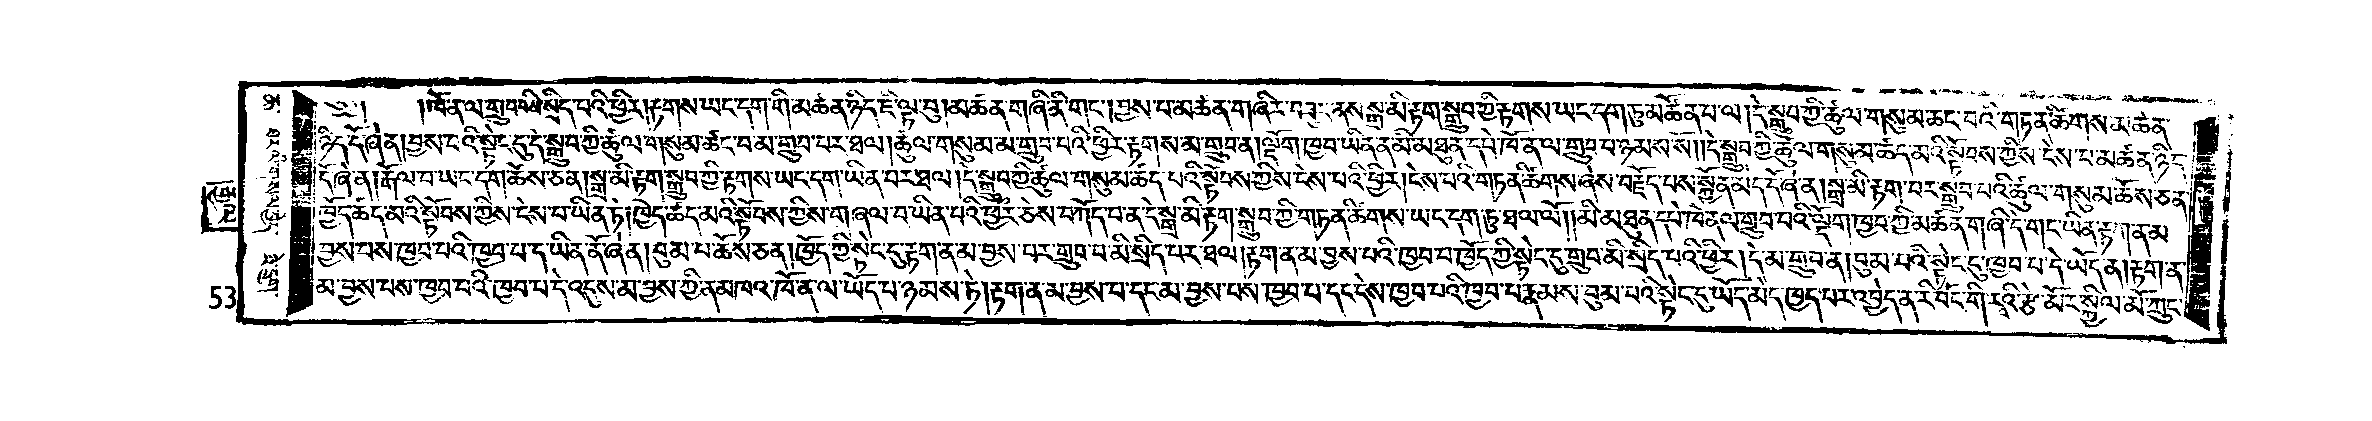༄༅། །ཁོ་ན་ལ་གྲུབ་པ་མི་སྲིད་པའི་ཕྱིར། རྟགས་ཡང་དག་གི་མཚན་ཉིད་ཇི་ལྟ་བུ། མཚན་གཞི་ནི་གང་། བྱས་པ་མཚན་གཞིར་བཟུང་ནས་སྒྲ་མི་རྟག་སྒྲུབ་ཀྱི་རྟགས་ཡང་དག་ཏུ་མཚོན་པ་ལ། དེ་སྒྲུབ་ཀྱི་ཚུལ་གསུམ་ཆང་བའི་གཏན་ཚིགས་མཚན་
ཉིད་དོ་ཞེ་ན། བྱས་པའི་སྟེང་དུ་དེ་སྒྲུབ་ཀྱི་ཚུལ་གསུམ་ཚང་བ་མ་གྲུབ་པར་ཐལ། ཚུལ་གསུམ་མ་གྲུབ་པའི་ཕྱིར་རྟགས་མ་གྲུབ་ན། ལྡོག་ཁྱབ་ཡིན་ན་མི་མཐུན་དཔེ་ཁོ་ན་ལ་གྲུབ་པ་ཉམས་སོ། །དེ་སྒྲུབ་ཀྱི་ཚུལ་གསུམ་ཚད་མའི་སྟོབས་ཀྱིས་ངེས་པ་མཚན་ཉིད་
དོ་ཞེ་ན། རྒོལ་བ་ཡང་དག་ཆོས་ཅན། སྒྲ་མི་རྟག་སྒྲུབ་ཀྱི་རྟགས་ཡང་དག་ཡིན་པར་ཐལ། དེ་སྒྲུབ་ཀྱི་ཚུལ་གསུམ་ཚད་པའི་སྟོབས་ཀྱིས་ངེས་པའི་ཕྱིར། ངེས་པའི་གཏན་ཚིགས་ཞེས་བརྗོད་པས་སྐྱོན་མེད་དོ་ཞེ་ན། སྒྲ་མི་རྟག་པར་སྒྲུབ་པའི་ཚུལ་གསུམ་ཆོས་ཅན་
ཁྱོད་ཚད་མའི་སྟོབས་ཀྱིས་ངེས་པ་ཡིན་ཏེ། ཁྱོད་ཚད་མའི་སྟོབས་ཀྱིས་གཞལ་བ་ཡིན་པའི་ཕྱིར་ཅེས་བཀོད་པ་ན་དེ་སྒྲ་མི་རྟག་སྒྲུབ་ཀྱི་གཏན་ཚིགས་ཡང་དག་ཏུ་ཐལ་ལོ། །མི་མཐུན་དཔེ་ཁོ་ན་ལ་གྲུབ་པའི་ལྡོག་ཁྱབ་ཀྱི་མཚན་གཞི་དེ་གང་ཡིན་རྟག་ན་མ་
བྱས་པས་ཁྱབ་པའི་ཁྱབ་པ་དེ་ཡིན་ནོ་ཞེ་ན། བུམ་པ་ཆོས་ཅན། ཁྱོད་ཀྱི་སྟེང་དུ་རྟག་ན་མ་བྱས་པར་གྲུབ་པ་མི་སྲིད་པར་ཐལ། རྟག་ན་མ་བྱས་པའི་ཁྱབ་པ་ཁྱོད་ཀྱི་སྟེང་དུ་གྲུབ་མི་སྲིད་པའི་ཕྱིར། དེ་མ་གྲུབ་ན། བུམ་པའི་སྟེང་དུ་ཁྱབ་པ་དེ་ཡོད་ན། རྟག་ན་
མ་བྱས་པས་ཁྱབ་པའི་ཁྱབ་པ་དེ་འདུས་མ་བྱས་ཀྱི་ནམ་མཁའ་ཁོ་ན་ལ་ཡོད་པ་ཉམས་ཏེ། རྟག་ན་མ་བྱས་པ་དང་མ་བྱས་པས་ཁྱབ་པ་དང་དེས་ཁྱབ་པའི་ཁྱབ་པ་རྣམས་བུམ་པའི་སྟེང་དུ་ཡོད་མེད་ཁྱད་པར་འབྱེད་ན་རི་བོང་གི་རྭའི་རྩེ་མོར་སྐྱིལ་མོ་ཀྲུང་